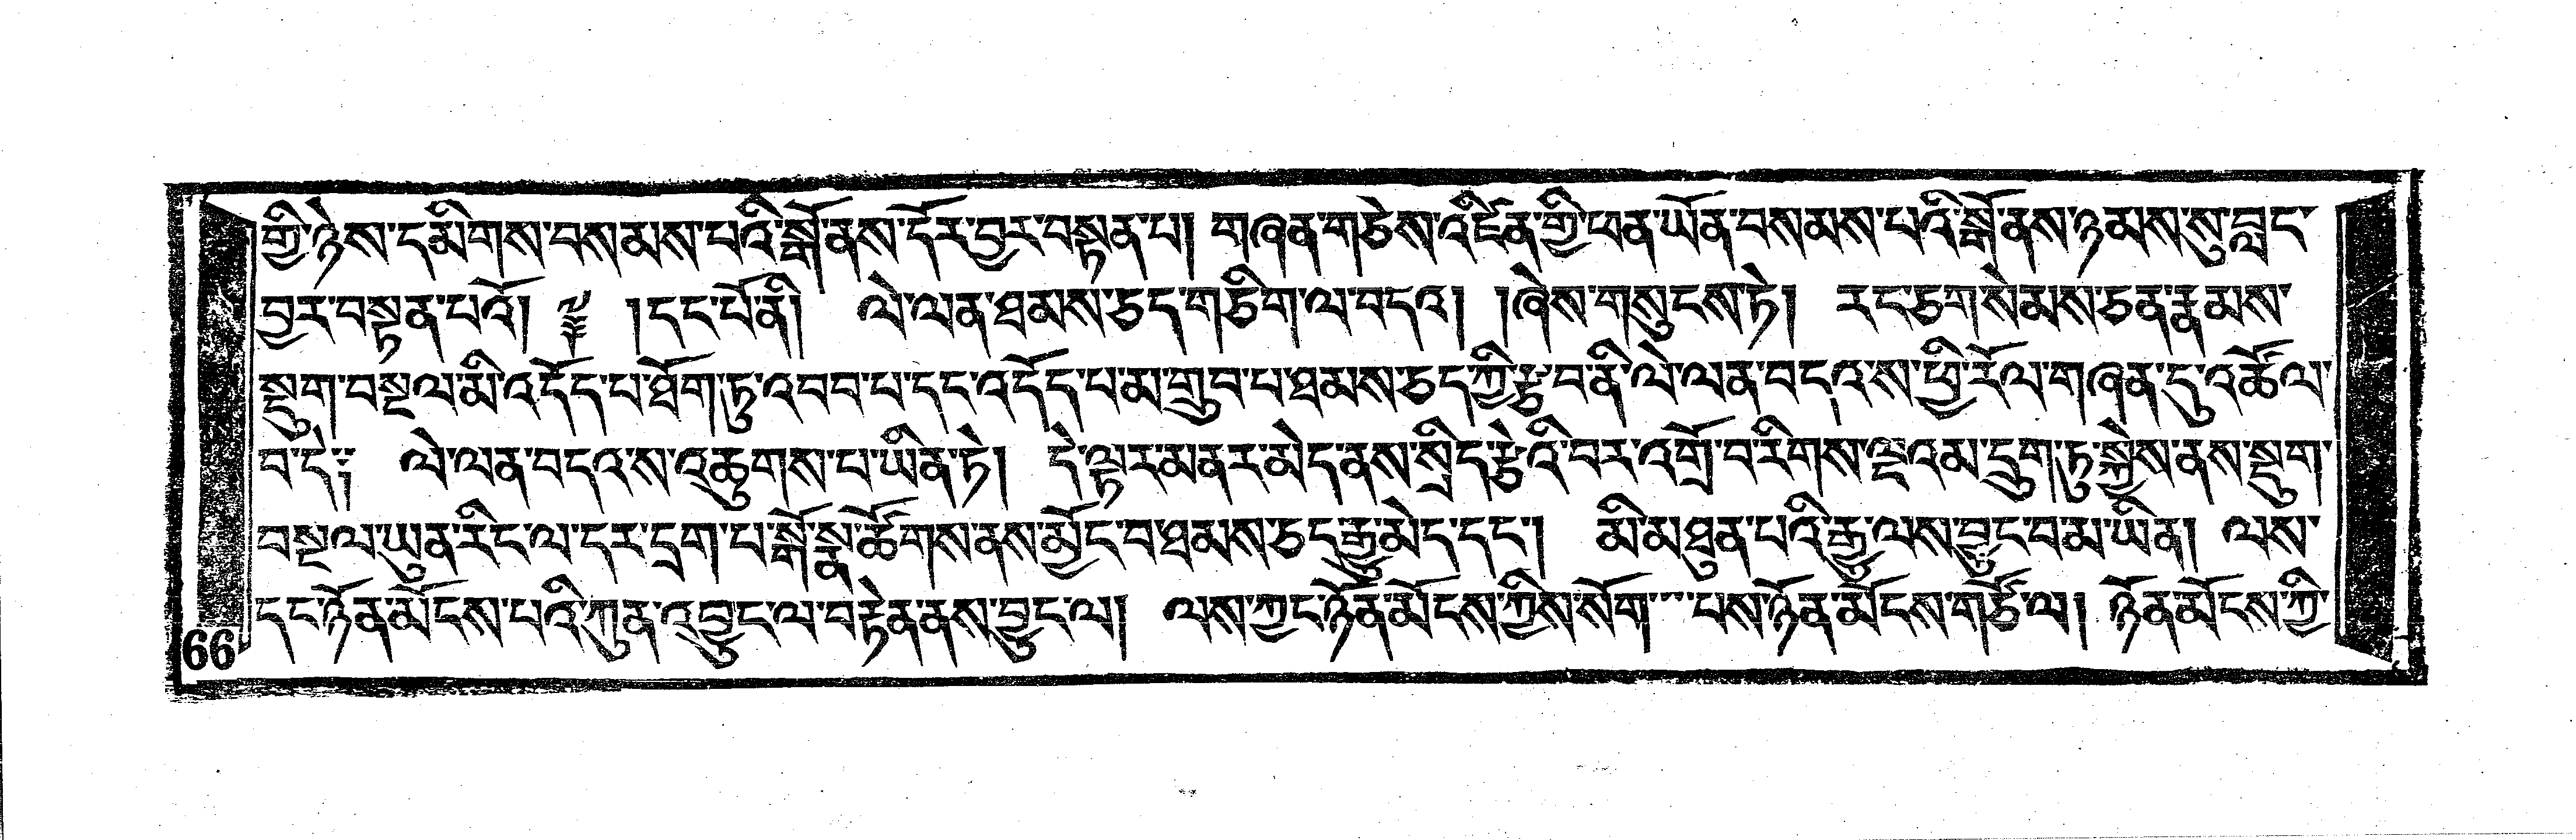གྱི་ཉེས་དམིགས་བསམས་པའི་སྒོ་ནས་དོར་བྱར་བསྟན་པ། གཞན་གཅེས་འཛིན་གྱི་ཕན་ཡོན་བསམས་པའི་སྒོ་ནས་ཉམས་སུ་བླང་
བྱར་བསྟན་པའོ། ༈ །དང་པོ་ནི། ལེ་ལན་ཐམས་ཅད་གཅིག་ལ་བདའ། །ཞེས་གསུངས་ཏེ། རང་ཅག་སེམས་ཅན་རྣམས་
སྡུག་བསྔལ་མི་འདོད་པ་ཐོག་ཏུ་འབབ་པ་དང་འདོད་པ་མ་གྲུབ་པ་ཐམས་ཅད་ཀྱི་རྩ་བ་ནི་ལེ་ལན་བདའ་ས་ཕྱི་རོལ་གཞན་དུ་འཚོལ་
བ་དེ༑ ལེ་ལན་བདའ་ས་འཆུགས་པ་ཡིན་ཏེ། དེ་ལྟར་མནར་མེད་ནས་སྲིད་རྩེའི་བར་འགྲོ་བ་རིགས་ལྔའམ་དྲུག་ཏུ་སྐྱེས་ནས་སྡུག་
བསྔལ་ཡུན་རིང་ལ་དར་དྲག་པ་སྒོ་སྣ་ཚོགས་ནས་མྱོང་བ་ཐམས་ཅད་རྒྱུ་མེད་དང་། མི་མཐུན་པའི་རྒྱུ་ལས་བྱུང་བ་མ་ཡིན། ལས་
དང་ཉོན་མོངས་པའི་ཀུན་འབྱུང་ལ་བརྟེན་ནས་བྱུང་ལ། ལས་ཀྱང་ཉོན་མོངས་ཀྱིས་སོག་པས་ཉོན་མོངས་གཙོ་ལ། ཉོན་མོངས་ཀྱི་